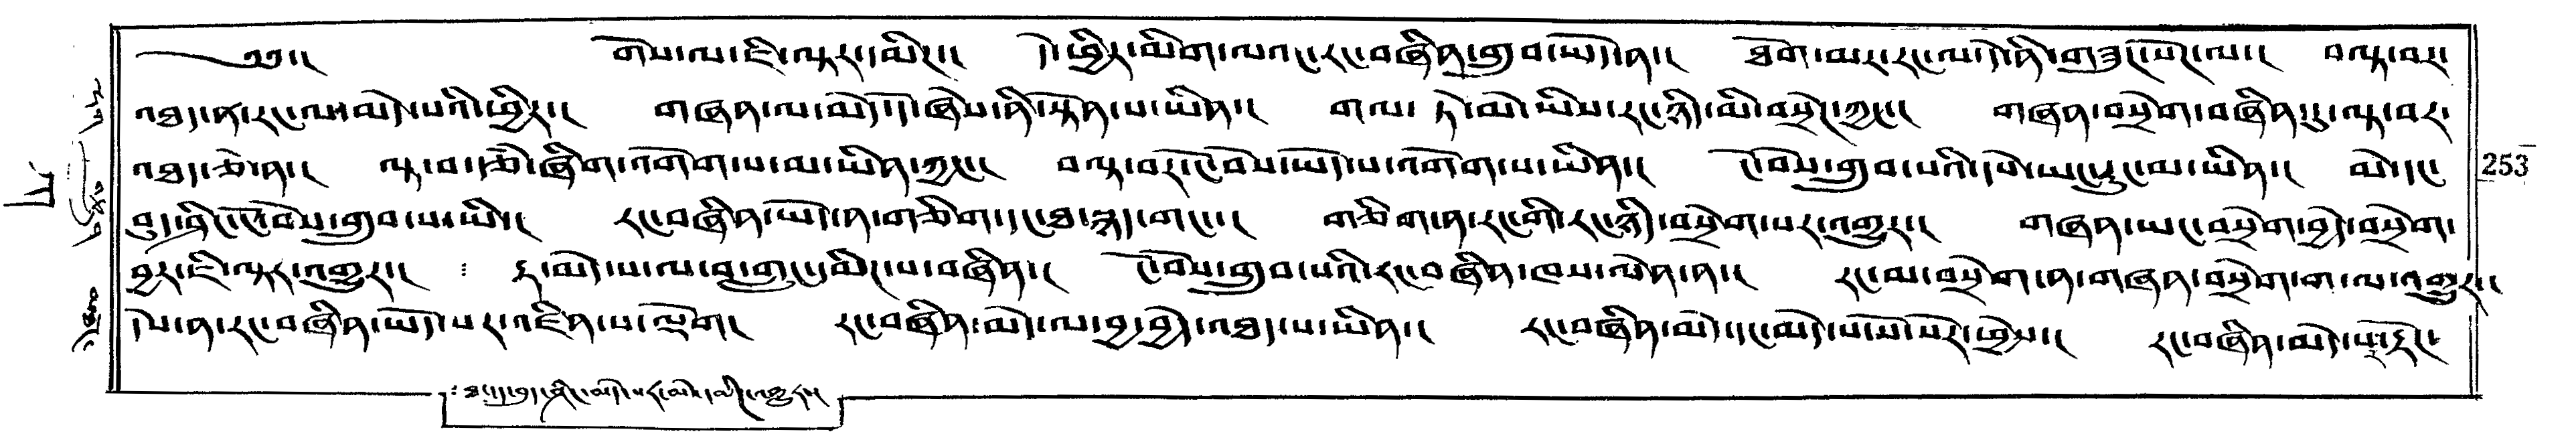གོས་ལ་ཇི་ལྟར་དམིགས། །དེ་ཕྱིར་མིག་ལའང་རང་བཞིན་གྲུབ་ཡོད་ན། །ཐོག་མར་རང་ལ་དེ་ནི་གཟུགས་སོགས་ལ། །བལྟ་བར་
འཐད་ན་རང་ལ་མེད་པའི་ཕྱིར། །གཞན་ལ་མེད་དོ་ཞེས་ནི་སྟོན་པ་ཡིན། །གལ་ཏེ་མེ་ཡིས་རང་ཉིད་མི་བསྲེག་ཀྱང་། །གཞན་བསྲེག་བཞིན་དུ་བལྟ་བར་
འཐད་ཅེ་ན། །ལྟ་བ་ཙམ་ཞིག་འགོག་པ་མ་ཡིན་ཀྱང་། །བལྟ་བར་ངོ་བོས་ཡོད་པ་འགོག་པ་ཡིན། །ངོ་བོས་གྲུབ་པའི་དཔེ་ཡང་རུང་མ་ཡིན། །མེ་དང་
བུད་ཤིང་ངོ་བོས་གྲུབ་པ་ཡི། །རང་བཞིན་ཡོད་ན་གཅིག་དང་ཐ་སྙད་གང་། །གཅིག་ན་རང་གི་རང་ཉིད་བསྲེག་པར་འགྱུར། །གཞན་ཡང་བསྲེག་བྱེད་བསྲེག་
བྱར་ཇི་ལྟར་འགྱུར། །ཐ་དད་བུད་ཤིང་མེད་པར་མི་དམིགས་འགྱུར། །རྟ་མེད་པ་ལ་བ་གླང་མེད་དམིགས་བཞིན། །ངོ་བོས་གྲུབ་པའི་རང་བཞིན་ཁས་ལེན་ན། །རང་མ་བསྲེག་ན་གཞན་བསྲེག་ག་ལ་འགྱུར། །
དེས་ན་རང་བཞིན་ཡོད་པར་འཛིན་པ་ལྡོག།རང་བཞིན་མེད་ལ་བྱ་བྱེད་འཐད་པ་ཡིན། །རང་བཞིན་མེད་དང་མེད་པ་སོ་སོར་ཕྱེས། །རང་བཞིན་མེད་པར་རྟོགས་